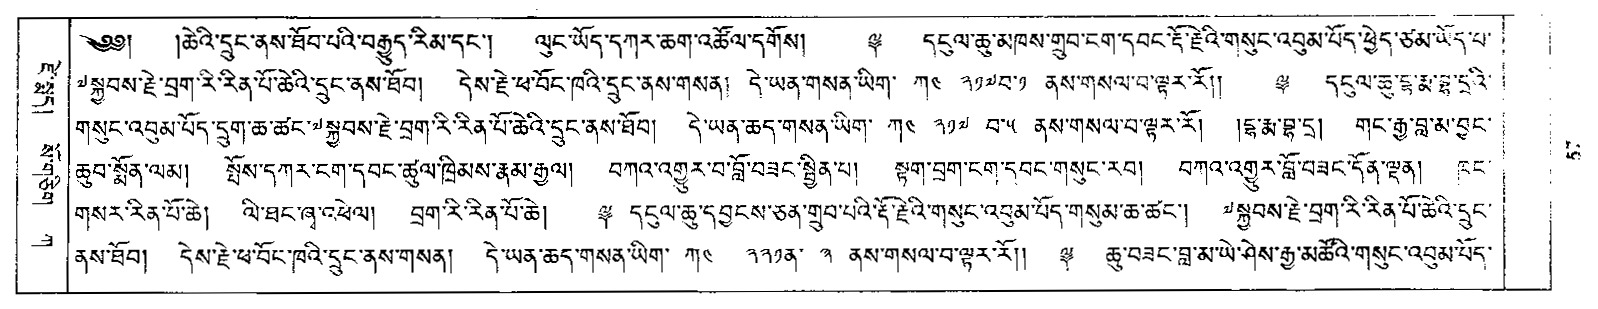༄༅། །ཆེའི་དྲུང་ནས་ཐོབ་པའི་བརྒྱུད་རིམ་དང་། ལུང་ཡོད་དཀར་ཆག་འཚོལ་དགོས། ༈ དངུལ་ཆུ་མཁས་གྲུབ་ངག་དབང་རྡོ་རྗེའི་གསུང་འབུམ་པོད་ཕྱེད་ཙམ་ཡོད་པ་
༧སྐྱབས་རྗེ་བྲག་རི་རིན་པོ་ཆེའི་དྲུང་ནས་ཐོབ། དེས་རྗེ་ཕ་བོང་ཁའི་དྲུང་ནས་གསན། དེ་ཡན་གསན་ཡིག་ཀ ༤ ༢༡༧་བ ༡་ནས་གསལ་བ་ལྟར་རོ།། ༈ དངུལ་ཆུ་དྷརྨ་བྷ་དྲའི་
གསུང་འབུམ་པོད་དྲུག་ཆ་ཚང་༧སྐྱབས་རྗེ་བྲག་རི་རིན་པོ་ཆེའི་དྲུང་ནས་ཐོབ། དེ་ཡན་ཆད་གསན་ཡིག་ཀ ༤ ༢༡༧་བ ༥་ནས་གསལ་བ་ལྟར་རོ། །དྷརྨ་བྷ་དྲ། གང་རྒྱ་བླ་མ་བྱང་
ཆུབ་སྨོན་ལམ། སྤོས་དཀར་ངག་དབང་ཚུལ་ཁྲིམས་རྣམ་རྒྱལ། བཀའ་འགྱུར་བ་བློ་བཟང་སྦྱིན་པ། སྟག་བྲག་ངག་དབང་གསུང་རབ། བཀའ་འགྱུར་བློ་བཟང་དོན་ལྡན། ཁང་
གསར་རིན་པོ་ཆེ། ལི་ཐང་ཞྭ་འཕེལ། བྲག་རི་རིན་པོ་ཆེ། ༈ དངུལ་ཆུ་དབྱངས་ཅན་གྲུབ་པའི་རྡོ་རྗེའི་གསུང་འབུམ་པོད་གསུམ་ཆ་ཚང་། ༧སྐྱབས་རྗེ་བྲག་རི་རིན་པོ་ཆེའི་དྲུང་
ནས་ཐོབ། དེས་རྗེ་ཕ་བོང་ཁའི་དྲུང་ནས་གསན། དེ་ཡན་ཆད་གསན་ཡིག་ཀ ༤ ༢༢༡་ན ༣་ནས་གསལ་བ་ལྟར་རོ།། ༈ ཆུ་བཟང་བླ་མ་ཡེ་ཤེས་རྒྱ་མཚོའི་གསུང་འབུམ་པོད་